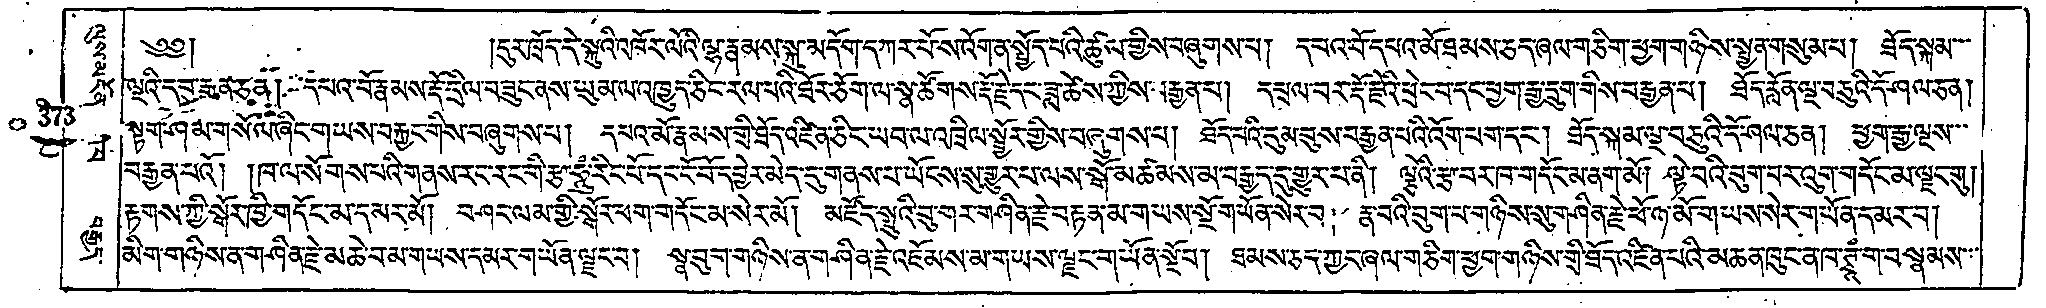༄༅། །དུར་ཁྲོད་དེ་སྐུའི་འཁོར་ལོའི་ལྷ་རྣམས་སྐུ་མདོག་དཀར་པོ་ས་འོག་ན་སྤྱོད་པའི་ཚུལ་གྱིས་བཞུགས་པ། དཔའ་བོ་དཔའ་མོ་ཐམས་ཅད་ཞལ་གཅིག་ཕྱག་གཉིས་སྤྱན་གསུམ་པ། ཐོད་སྐམ་་་
ལྔའི་དབུ་རྒྱན་ཅན། དཔའ་བོ་རྣམས་རྡོ་དྲིལ་བཟུང་ནས་ཡུམ་ལ་འཁྱུད་ཅིང་རལ་པའི་ཐོར་ཅོག་ལ་སྣ་ཚོགས་རྡོ་རྗེ་དང་ཟླ་ཚེས་ཀྱིས་བརྒྱན་པ། དཔྲལ་བར་རྡོ་རྗེའི་ཕྲེང་བ་དང་ཕྱག་རྒྱ་དྲུག་གིས་བརྒྱན་པ། ཐོད་རློན་ལྔ་བཅུའི་དོ་ཤལ་ཅན།
སྟག་ཤམ་གསོལ་ཞིང་གཡས་བརྐྱང་གིས་བཞུགས་པ། དཔའ་མོ་རྣམས་གྲི་ཐོད་འཛིན་ཅིང་ཡབ་ལ་འཁྲིལ་སྦྱོར་གྱིས་བཞུགས་པ། ཐོད་པའི་དུམ་བུས་བརྒྱན་པའི་འོག་པག་དང་། ཐོད་སྐམ་ལྔ་བཅུའི་དོ་ཤལ་ཅན། ཕྱག་རྒྱ་ལྔས་་་
བརྒྱན་པའོ། །ཁ་ལ་སོགས་པའི་གནས་རང་རང་གི་རྩ་ཧཱུཾ་རིང་པོ་དང་ངོ་བོ་དབྱེར་མེད་དུ་གནས་པ་ཡོངས་སུ་གྱུར་པ་ལས་སྒོ་མཚམས་མ་བརྒྱད་དུ་གྱུར་པ་ནི། ལྕེའི་རྩ་བར་ཁ་གདོང་མ་ནག་མོ། ལྟེ་བའི་བུག་པར་འུག་གདོང་མ་ལྗང་གུ།
རྟགས་ཀྱི་སྒོར་ཁྱི་གདོང་མ་དམར་མོ། བཤང་ལམ་གྱི་སྒོར་ཕག་གདོང་མ་སེར་མོ། མཛོད་སྤུའི་བུ་གར་གཤིན་རྗེ་བརྟན་མ་གཡས་སྔོ་གཡོན་སེར་བ། རྣ་བའི་བུག་པ་གཉིས་སུ་གཤིན་རྗེ་ཕོ་ཉ་མོ་གཡས་སེར་གཡོན་དམར་བ།
མིག་གཉིས་ན་གཤིན་རྗེ་མཆེ་བ་མ་གཡས་དམར་གཡོན་ལྗང་བ། སྣ་བུག་གཉིས་ན་གཤིན་རྗེ་འཇོམས་མ་གཡས་ལྗང་གཡོན་སྔོ་བ། ཐམས་ཅད་ཀྱང་ཞལ་གཅིག་ཕྱག་གཉིས་གྲི་ཐོད་འཛིན་པའི་མཆན་ཁུང་ན་ཁ་ཊྲཱཾ་ག་བསྣམྶ་་་